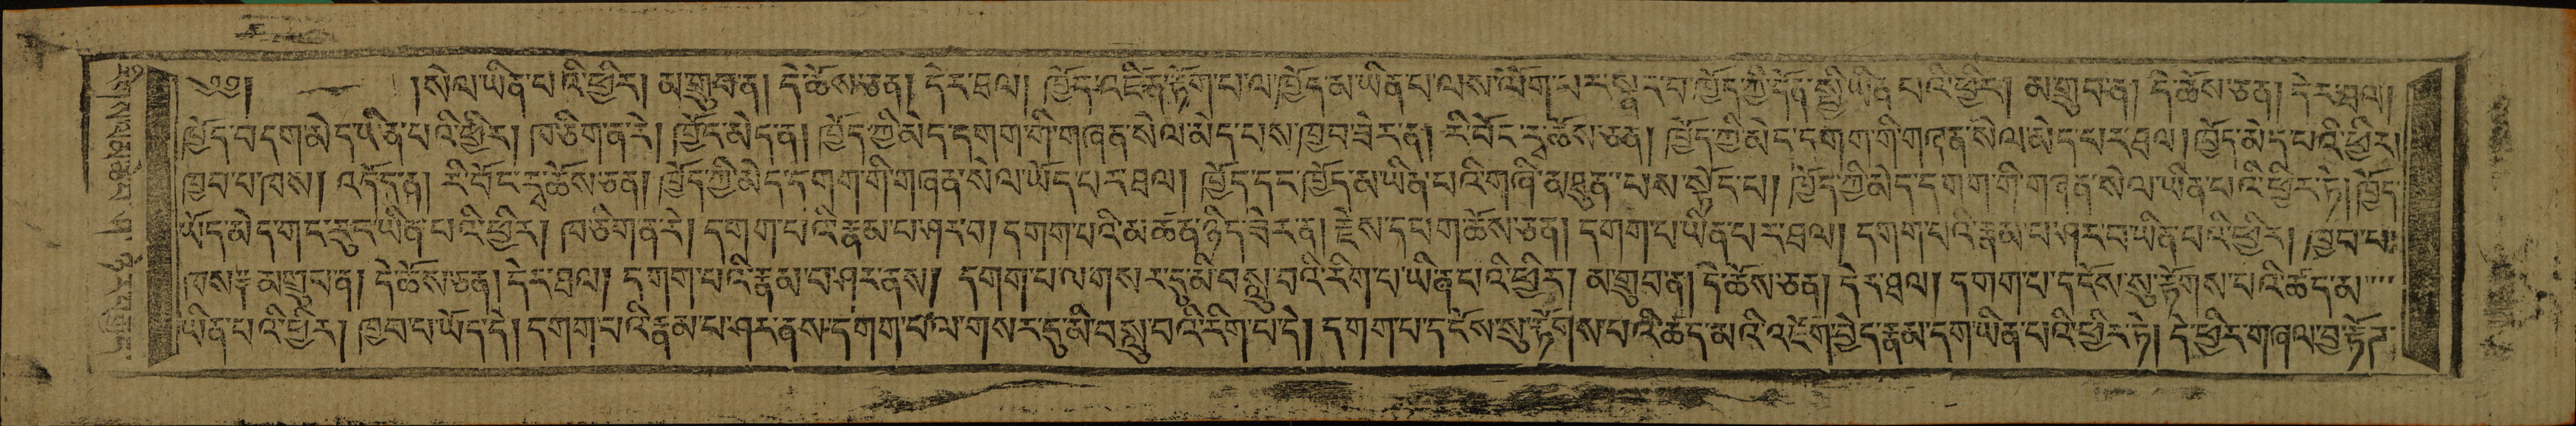༄༅། །སེལ་ཡིན་པའི་ཕྱིར། མ་གྲུབ་ན། དེ་ཆོས་ཅན། དེར་ཐལ། ཁྱོད་འཛིན་རྟོག་པ་ལ་ཁྱོད་མ་ཡིན་པ་ལས་ལོག་པར་སྣང་བ་ཁྱོད་ཀྱི་དོན་སྤྱི་ཡིན་པའི་ཕྱིར། མ་གྲུབ་ན། དེ་ཆོས་ཅན། དེར་ཐལ།
ཁྱོད་བདག་མེད་ཡིན་པའི་ཕྱིར། ཁ་ཅིག་ན་རེ། ཁྱོད་མེད་ན། ཁྱོད་ཀྱི་མེད་དགག་གི་གཞན་སེལ་མེད་པས་ཁྱབ་ཟེར་ན། རི་བོང་རྭ་ཆོས་ཅན། ཁྱོད་ཀྱི་མེད་དགག་གི་གཞན་སེལ་མེད་པར་ཐལ། ཁྱོད་མེད་པའི་ཕྱིར།
ཁྱབ་པ་ཁས། འདོད་ན། རི་བོང་རྭ་ཆོས་ཅན། ཁྱོད་ཀྱི་མེད་དགག་གི་གཞན་སེལ་ཡོད་པར་ཐལ། ཁྱོད་དང་ཁྱོད་མ་ཡིན་པའི་གཞི་མཐུན་པས་སྟོང་པ། ཁྱོད་ཀྱི་མེད་དགག་གི་གཞན་སེལ་ཡིན་པའི་ཕྱིར་ཏེ། ཁྱོད་
ཡོད་མེད་གང་རུང་ཡིན་པའི་ཕྱིར། ཁ་ཅིག་ན་རེ། དགག་པའི་རྣམ་པ་ཤར་བ། དགག་པའི་མཚན་ཉིད་ཟེར་ན། རྗེས་དཔག་ཆོས་ཅན། དགག་པ་ཡིན་པར་ཐལ། དགག་པའི་རྣམ་པ་ཤར་བ་ཡིན་པའི་ཕྱིར། ཁྱབ་པ་
ཁས༑ མ་གྲུབ་ན། དེ་ཆོས་ཅན། དེར་ཐལ། དགག་པའི་རྣམ་པ་ཤར་ནས། དགག་པ་ལ་གསར་དུ་མི་བསླུ་བའི་རིག་པ་ཡིན་པའི་ཕྱིར། མ་གྲུབ་ན། དེ་ཆོས་ཅན། དེར་ཐལ། དགག་པ་དངོས་སུ་རྟོགས་པའི་ཚད་མ་
ཡིན་པའི་ཕྱིར། ཁྱབ་པ་ཡོད་དེ། དགག་པའི་རྣམ་པ་ཤར་ནས་དགག་པ་ལ་གསར་དུ་མི་བསླུ་བའི་རིག་པ་དེ། དགག་པ་དངོས་སུ་རྟོགས་པའི་ཚད་མའི་འཇོག་བྱེད་རྣམ་དག་ཡིན་པའི་ཕྱིར་ཏེ། དེ་ཕྱིར་གཞལ་བྱ་རྟོགས་